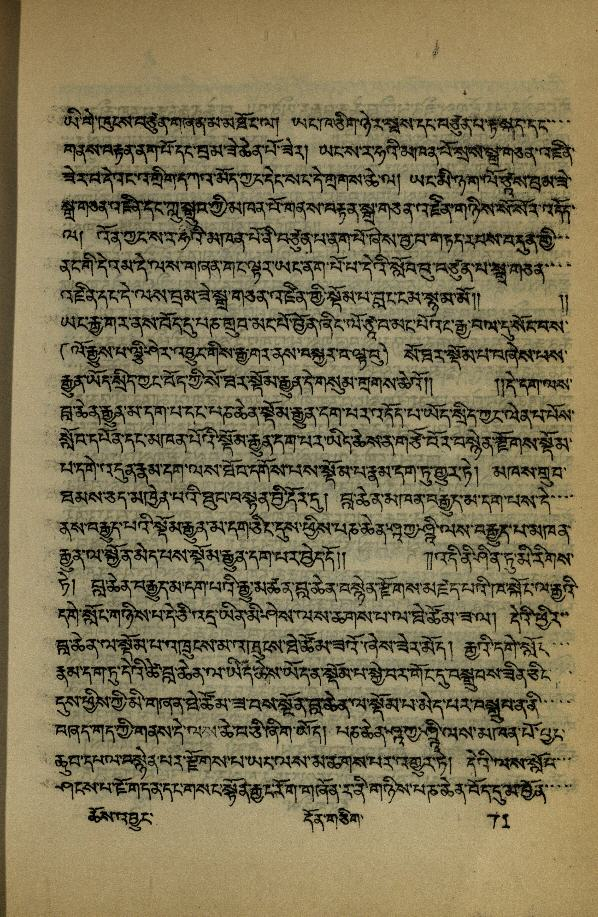ཡི་གེ་ཁུངས་བཙུན་གཞན་མ་མཐོང་ལ། ཡང་ཁ་ཅིག་ཉེར་སྦས་དང་བཙུན་པ་རྟ་སྐད་དང་
གནས་བརྟན་ནག་པོ་དང་བྲམ་ཟེ་ཆེན་པོ་ཟེར། ཡང་ས་ར་ཧའི་མཁན་པོ་སྲས་སྒྲ་གཅན་འཛིན་
ཟེར་བ་དེའང་འགྲིག་དཀའ་མོད་ཀྱང་དེང་སང་དེ་གྲགས་ཆེ་ལ། ཡང་མི་ཉག་ལོ་ཙཱས་བྲམ་ཟེ་
སྒྲ་གཅན་འཛིན་དང་ཀླུ་སྒྲུབ་ཀྱི་མཁན་པོ་གནས་བརྟན་སྒྲ་གཅན་འཛིན་གཉིས་སོ་སོར་འདོད་
ལ། འོན་ཀྱང་ས་ར་ཧའི་མཁན་པོ་ནི་བཙུན་པ་ནག་པོ་ཞེས་བྱ་བ་གཏད་རབས་བདུན་གྱི་
ནང་གི་དེའམ་དེ་ལས་གཞན་གང་ལྟར་ཡང་ནག་པོ་པ་དེའི་སློབ་བུ་བཙུན་པ་སྒྲ་གཅན་
འཛིན་དང་དེ་ལས་བྲམ་ཟེ་སྒྲ་གཅན་འཛིན་གྱི་སྡོམ་པ་བླང་ངམ་སྙམ་མོ།། །།
ཡང་རྒྱ་གར་ནས་བོད་དུ་པཎ་གྲུབ་མང་པོ་བྱོན་ཞིང་ལོ་ཙཱ་བ་མང་པོའང་རྒྱ་བལ་དུ་སོང་བས་
ལོ་རྒྱུས་པ་ལྕི་ཤེར་འབྱུང་གིས་རྒྱ་གར་ནས་བསྐྱར་བ་ལྟ་བུ་སོ་ཐར་སྡོམ་པ་བཞེས་པས་
རྒྱུན་ཡོད་སྲིད་ཀྱང་བོད་ཀྱི་སོ་ཐར་སྡོམ་རྒྱུན་དེ་གསུམ་གྲགས་ཆེའོ།། །།དེ་དག་ལས་
བླ་ཆེན་རྒྱུན་མ་དག་པ་དང་པཎ་ཆེན་སྡོམ་རྒྱུན་དག་པར་འདོད་པ་ཡོད་སྲིད་ཀྱང་ལེན་པ་པོས་
སློབ་དཔོན་དང་མཁན་པོའི་སྡོམ་རྒྱུན་དག་པར་ཡིད་ཆེས་ན་གཙོ་བོར་བསྙེན་རྫོགས་སྡོམ་
པ་དགེ་འདུན་རྣམ་དག་ལས་ཐོབ་དགོས་པས་སྡོམ་པ་རྣམ་དག་ཏུ་གྱུར་ཏེ། མཁས་གྲུབ་
ཐམས་ཅད་མཁྱེན་པའི་ཐུབ་བསྟན་བྱི་དོར་དུ། བླ་ཆེན་མཁན་བརྒྱུད་མ་དག་པས་དེ་
ནས་བརྒྱུད་པའི་སྡོམ་རྒྱུན་མ་དག་ཅིང་དུས་ཕྱིས་པཎ་ཆེན་ཤཱཀྱ་ཤྲཱི་ལས་བརྒྱུད་པ་མཁན་
རྒྱུན་ལ་སྐྱོན་མེད་པས་སྡོམ་རྒྱུན་དག་པར་བྱེད་དོ།། །།འདི་ནི་ཤིན་ཏུ་མི་རིགས་
ཏེ། བླ་ཆེན་བརྒྱུད་མ་དག་པའི་རྒྱུ་མཚན་བླ་ཆེན་བསྙེན་རྫོགས་མཛད་པའི་ཁ་སྐོང་ལ་རྒྱའི་
དགེ་སློང་གཉིས་པ་དེ་ཅི་འདྲ་ཡིན་མི་ཤེས་ལས་ཆགས་པ་ལ་ཐེ་ཚོམ་ཟ་ལ། དེའི་ཕྱིར་
བླ་ཆེན་ལ་སྡོམ་པ་འཁྲུངས་མ་འཁྲུངས་ཐེ་ཚོམ་ཟའོ་ཞེས་ཟེར་མོད། རྒྱའི་དགེ་སློང་
རྣམ་དག་ཏུ་དེའི་ཚེ་བླ་ཆེན་ལ་ཡིད་ཆེས་ཡོད་ན་སྡོམ་པ་སྐྱེ་བར་གོང་དུ་བསྒྲུབས་ཟིན་ཅིང་།
དུས་ཕྱིས་ཀྱི་མི་གཞན་ཐེ་ཚོམ་ཟ་བས་སྔོན་བླ་ཆེན་ལ་སྡོམ་པ་མེད་པར་བསྒྲུབ་ན་ནི་
བཞད་གནས་ཀྱི་གནས་དེ་ལས་ཆེ་བ་ཅི་ཞིག་ཡོད། པཎ་ཆེན་ཤཱཀྱ་ཤྲཱི་ལས་མཁན་པོ་བྱང་
ཆུབ་དཔལ་བསྙེན་པར་རྫོགས་པ་ཡང་ལས་མ་ཆགས་པར་འགྱུར་ཏེ། དེའི་ལས་སློང་
ཤངས་པ་ཇོ་གདན་དང་གསང་སྟོན་རྒྱང་རོག་གཞན་ར་ནི་གཉིས་པཎ་ཆེན་བོད་དུ་མ་བྱོན་